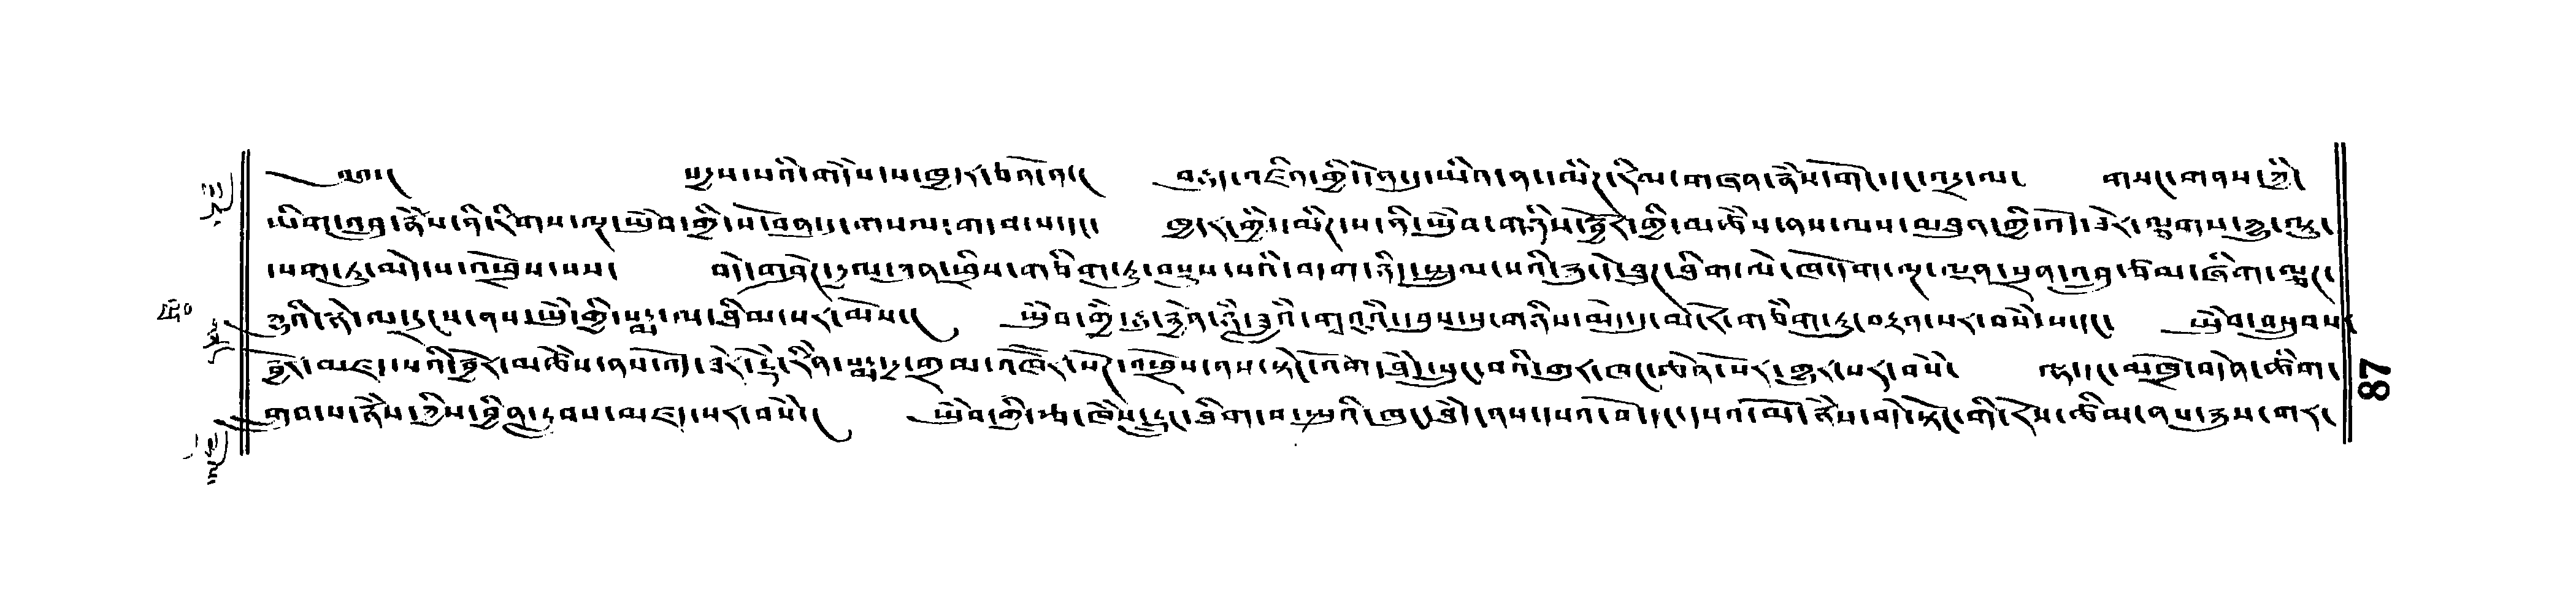སངས་རྒྱས་པའི་གདམས་པ་ཁྱད་པར་ཅན་ནོ། བརྒྱུད་འཛིན་གྱི་དོན་དུ་ཡིན་ན་དམིགས་རིམ་གཞན་རྣམས་གོང་དང་འདྲ་ལ། གསང་གནས་ཀྱི་
ཡིག་འབྲུ་རྣམས་ནི་རིགས་ལྔ་ཡབ་ཡུམ་གྱི་ས་བོན་དུ་གསལ་གདབ་པ་དང་། ཁྱད་པར་གྱི་དམིགས་པ་ནི་ཡབ་ཡུམ་གཉིས་སྦྱོར་གྱི་མཚམས་ནས་ལས་མཐུན་གྱི་འོད་ཟེར་ལྕགས་ཀྱུ་ལྟ་བུ་
དཔག་ཏུ་མེད་པ་འཕྲོས་པས། བདེ་གཤེགས་རྒྱལ་ཀུན་ཕྲིན་ལས་གཅིག་ཏུ་བསྡུས་པའི་བདག་ཉིད་སྤྲུལ་པའི་སྐུ་དེ་ཐུགས་ཐིག་ལེ་ཁ་དོག་ལྔ་ལྡན་སྲན་འབྲུ་ཙམ་ཞིག་ལྕགས་
ཀྱུའི་སྣེ་ལ་དྲངས་ནས་ཡུམ་གྱི་པདྨ་ལ་ཐིམ་པར་མོས། ཡབ་ཡུམ་གྱི་རྒྱུ་རྐྱེན་ཉི་ཟླའི་གྭའུའི་དབུས་སུ་གཉིས་མེད་དུ་མ་རོ་གཅིག་ཏུ་བརྟན་པར་བསམ་པ་དང་། ཡབ་ཡུམ་བསྲུབས་
སྦྱོར་མཛད་པའི་སྦྱོར་མཚམས་ནས་འོད་ཟེར་རྡོ་རྗེ་རིན་ཆེན་པདྨ་རྒྱ་གྲམ་འཁོར་ལོ་སོགས་འཕྲོས་ནས་སྟེང་འོག་ཐམས་ཅད་སྲུང་བའི་གུར་ཁང་ཆེན་པོར་གྱུར་པར་བསམ། ལྷ་དང་མཁའ་འགྲོ་བདེན་ཚིག་
གྲུབ་པ་རྣམས་ཀྱིས་བྱིན་རླབས་མཛད་པར་བསམ། ཡབ་ཡུམ་གྱི་རྩ་ཁམས་རླུང་ཐིག་བ་སྤུའི་ཁུང་ཐམས་ཅད་ནས་དཔའ་བོ་དང་དཔའ་མོ་རྣམས་བདེ་སྟོང་གི་རོས་ཚིམ་ནས་སྐུས་གར་